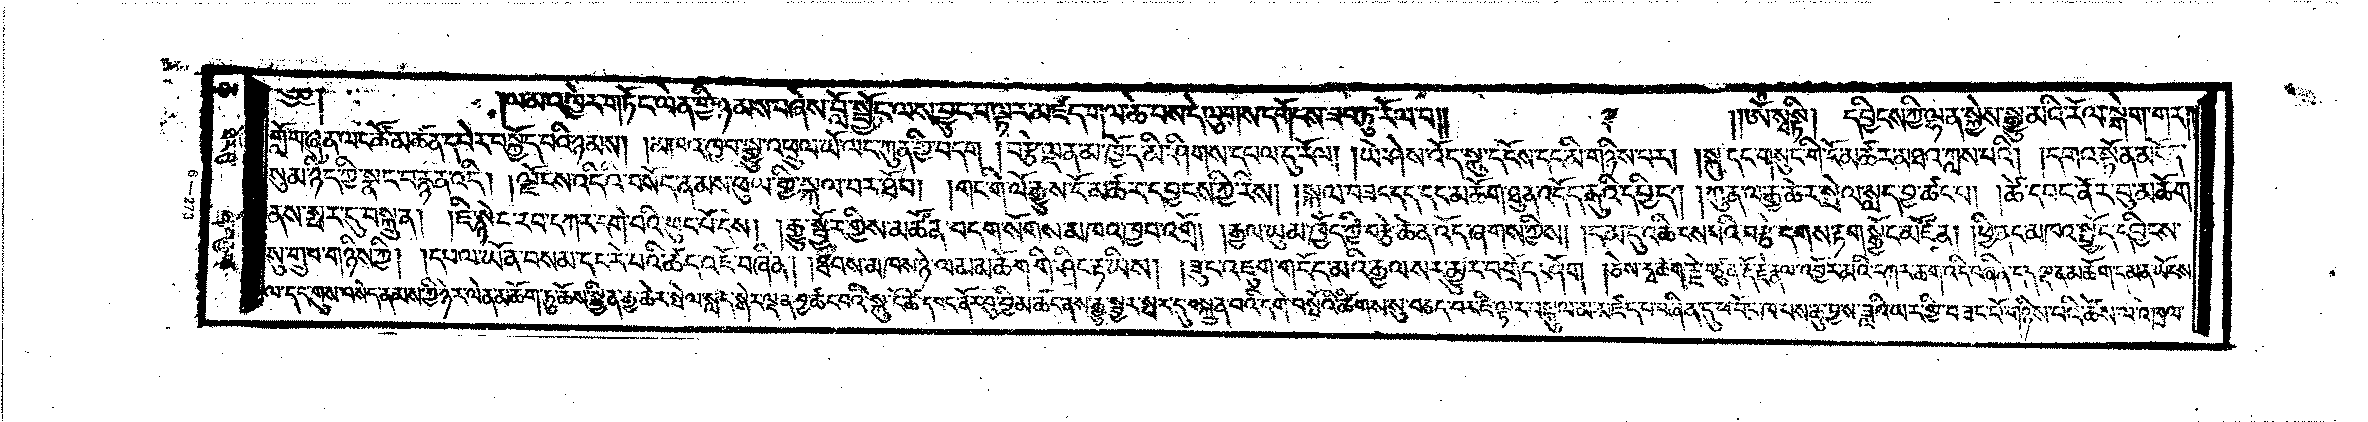༄༅། །ཡམ་འཁྱེར་གཏོང་ལེན་གྱི་ཉམས་བཞེས་བློ་སྦྱོང་ལས་བྱུང་བ་ལྟར་མཛད་གལ་ཆེ་བས་དེ་ལུགས་དགོངས་ཟབ་ཏུ་རོལ་བ།། ༈ །།ཨོཾ་སྭ་སྟི། དབྱིངས་ཀྱི་ལྷན་སྐྱེས་སྒྱུ་མའི་རོལ་སྒེག་གར།
གློག་ཞུན་ལང་ཚོ་མཚན་དཔེར་བསྐྱོད་པའི་ཉམས། །མཁའ་ཁྱབ་སྒྱུ་འཕྲུལ་ཡོ་ལང་ཀུན་གྱི་བདག །བརྟེན་ལྡན་མ་ཁྱོད་མི་ཤིགས་དཔལ་དུ་རོལ། །ཡེ་ཤེས་འོད་སྐུ་དངོས་དང་མི་གཉིས་པར། །སྐུ་དང་གསུང་གི་ངོ་མཚར་མཐའ་ཀླས་པའི། །དགའ་སྟོན་མངོན་
སུམ་ཉིད་ཀྱི་སྣང་བརྙན་འདོན། །ལྗོངས་འདིའི་བསོད་ནམས་ཕུལ་གྱི་སྐལ་བར་ཐོབ། །གང་གི་ལོ་རྒྱུས་ངོ་མཚར་དབྱངས་ཀྱི་རིས། །སྐལ་བཟང་དད་དང་མཆོག་ཐུན་འདོད་རྒྱུའི་དཔྱིད། །ཀུན་ལ་རྒྱ་ཆེར་སྲེལ་སླད་བྱ་ཚང་པ། །ཚེ་དབང་ནོར་བུ་མཐོག་
ནས་སྤར་དུ་བསྐྲུན། །ཇི་སྙེད་རབ་དཀར་དགེ་བའི་ཕུང་པོ་དེས། །རྒྱུ་སྦྱོར་གྱིས་མཚོན་བདག་སོགས་མཁའ་ཁྱབ་འགྲོ། །རྒྱལ་ཡུམ་ཁྱོད་ཀྱི་བརྩེ་ཆེན་འོད་ཞགས་ཀྱིས། །དམ་དུ་འཆིངས་པའི་བརྩེ་དགས་རྟག་སྦྱོང་མཛོན། །ཕྱི་ནང་མཁའ་སྤྱོད་དབྱིངས་
སུ་གྲུབ་གཉིས་ཀྱི། །དཔལ་ཡོན་བསམ་དང་རེ་པའི་ཆོད་འཇོ་བཞིན། །ཐོབས་མཁས་ཉེ་ལམ་མཆོག་གི་ཤིང་རྟ་ཡིས། །ཟུང་འུག་གོད་དམའི་རྒྱལ་སར་མྱུར་བགྲོད་ཤོག །ཅེས་རྭ་ཆོག་རྗེ་བཙྭན་རྡོ་རྗེ་རྣལ་འབྱོར་མའི་དཀར་ཆག་འདི་བཞིན་དད་ལྡན་མཆོག་དམན་ཡོངས་
ལ་དད་གུས་བསོད་ནམས་ཀྱི་ཉེར་ལེན་མཆོག་ཏུ་ཆོས་སྦྱིན་རྒྱ་ཆེར་སྤེལ་སླད་སྒེར་ལྡན་བྱ་ཚང་བའི་སྐུ་ངོ་ཚེ་དབང་ནོར་བུ་བྱིན་ཚང་ནས་རྒྱུ་སྦྱར་སྤར་དུ་བསྐྲུན་བའི་དགེ་བསྤོའི་ཚིགས་སུ་བཅད་བར་ཇི་ལྟར་བ་ཚུལ་མ་མཛད་པ་བཞིན་དུ་ཕ་འོང་ཁ་པས་ཆུ་བྱས་ཟླའི་ཡར་གྱི་བཟང་པོ་གཉིས་པའི་ཆོས་ལ་འཁྲལ་